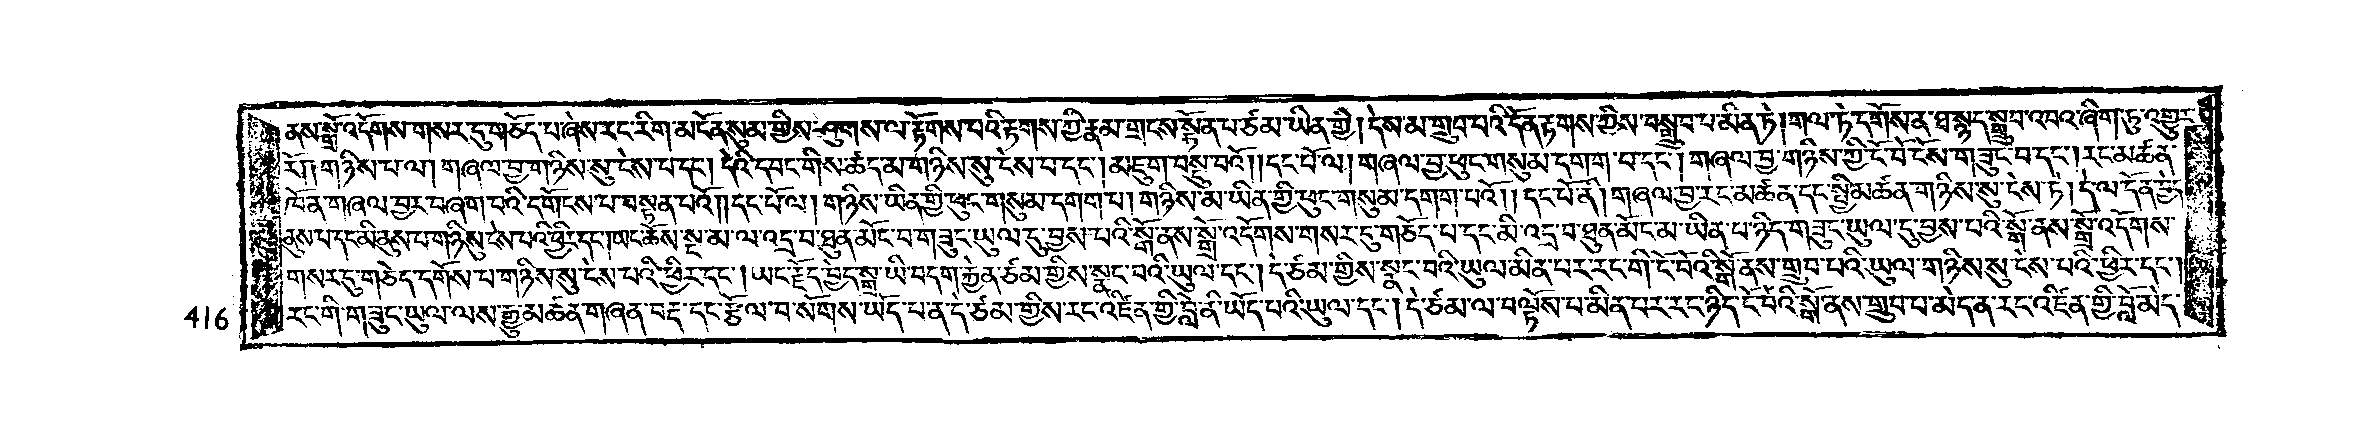ནས་སྒྲོ་འདོགས་གསར་དུ་གཅོད་པ་ཞེས་རང་རིག་མངོན་སུམ་གྱིས་ཤུགས་ལ་རྟོགས་པའི་རྟགས་ཀྱི་རྣམ་གྲངས་སྟོན་པ་ཙམ་ཡིན་གྱི། དེས་མ་གྲུབ་པའི་དོན་རྟགས་ཀྱིས་བསྒྲུབ་པ་མིན་ཏེ། གལ་ཏེ་དགོས་ན་ཐ་སྙད་སྒྲུབ་འབའ་ཞིག་ཏུ་འགྱུར་
རོ། །གཉིས་པ་ལ། གཞལ་བྱ་གཉིས་སུ་ངེས་པ་དང་། དེའི་དབང་གིས་ཚད་མ་གཉིས་སུ་ངེས་པ་དང་། མཇུག་བསྡུ་བའོ། །དང་པོ་ལ། གཞལ་བྱ་ཕུང་གསུམ་དགག་པ་དང་། གཞལ་བྱ་གཉིས་ཀྱི་ངོ་བོ་ངོས་གཟུང་བ་དང་། རང་མཚན་
ཁོ་ན་གཞལ་བྱར་བཞག་པའི་དགོངས་པ་བསྟན་པའོ། །དང་པོ་ལ། གཉིས་ཡིན་གྱི་ཕུང་གསུམ་དགག་པ། གཉིས་མ་ཡིན་གྱི་ཕུང་གསུམ་དགག་པའོ། །དང་པོ་ནི། གཞལ་བྱ་རང་མཚན་དང་སྤྱི་མཚན་གཉིས་སུ་ངེས་ཏེ། དེ་ལ་དོན་བྱེད་
ནུས་པ་དང་མི་ནུས་པ་གཉིས་སུ་ངེས་པའི་ཕྱིར་དང་། ཡང་ཆོས་སྔ་མ་ལ་འདྲ་བ་ཐུན་མོང་བ་གཟུང་ཡུལ་དུ་བྱས་པའི་སྒོ་ནས་སྒྲོ་འདོགས་གསར་དུ་གཅོད་པ་དང་མི་འདྲ་བ་ཐུན་མོང་མ་ཡིན་པ་ཉིད་གཟུང་ཡུལ་དུ་བྱས་པའི་སྒོ་ནས་སྒྲོ་འདོགས་
གསར་དུ་གཅེད་དགོས་པ་གཉིས་སུ་ངེས་པའི་ཕྱིར་དང་། ཡང་རྗོད་བྱེད་སྒྲ་ཡི་བདག་རྐྱེན་ཙམ་གྱིས་སྣང་བའི་ཡུལ་དང་། དེ་ཙམ་གྱིས་སྣང་བའི་ཡུལ་མིན་པར་རང་གི་ངོ་བོའི་སྒོ་ནས་གྲུབ་པའི་ཡུལ་གཉིས་སུ་ངེས་པའི་ཕྱིར་དང་།
རང་གི་གཟུང་ཡུལ་ལས་རྒྱུ་མཚན་གཞན་བརྡ་དང་རྩོལ་བ་སོགས་ཡོད་པ་ན་དེ་ཙམ་གྱིས་རང་འཛིན་གྱི་བློ་ནི་ཡོད་པའི་ཡུལ་དང་། དེ་ཙམ་ལ་བལྟོས་པ་མིན་པར་རང་ཉིད་ངོ་བོའི་སྒོ་ནས་གྲུབ་པ་མེད་ན་རང་འཛིན་གྱི་བློ་མེད་